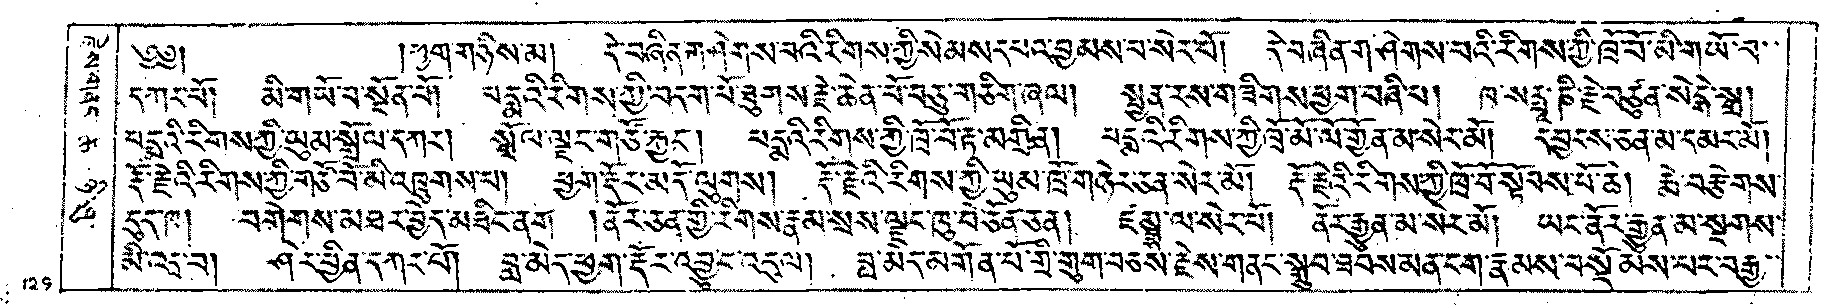༄༅། །ཕྱག་གཉིས་མ། དེ་བཞིན་གཤེགས་པའི་རིགས་ཀྱི་སེམས་དཔའ་བྱམས་པ་སེར་པོ། དེ་བཞིན་གཤེགས་པའི་རིགས་ཀྱི་ཁྲོ་བོ་མི་གཡོ་བ་
དཀར་པོ། མི་གཡོ་བ་སྔོན་པོ། པདམའི་རིགས་ཀྱི་བདག་པོ་ཐུགས་རྗེ་ཆེན་པོ་བཅུ་གཅིག་ཞལ། སྤྱན་རས་གཟིགས་ཕྱག་བཞི་པ། ཁ་སརྤཱ་ཎི་རྗེ་བཙུན་སེངྒེ་སྒྲ།
པདམའི་རིགས་ཀྱི་ཡུམ་སྒྲོལ་དཀར། སྒྲོལ་ལྗང་གཙོ་རྐྱང་། པདམའི་རིགས་ཀྱི་ཁྲོ་བོ་རྟ་མགྲིན། པདམའི་རིགས་ཀྱི་ཁྲོ་མོ་ལོ་གྱོན་མ་སེར་མོ། དབྱངས་ཅན་མ་དམར་མོ།
རྡོ་རྗེའི་རིགས་ཀྱི་གཙོ་བོ་མི་འཁྲུགས་པ། ཕྱག་རྡོར་མདོ་ལུགས། རྡོ་རྗེའི་རིགས་ཀྱི་ཡུམ་ཁྲོ་གཉེར་ཅན་སེར་མོ། རྡོ་རྗེའི་རིགས་ཀྱི་ཁྲོ་བོ་སྟོབས་པོ་ཆེ། རྨེ་བརྩེགས་
དུད་ཁ། བགེགས་མཐར་བྱེད་མཐིང་ནག །ནོར་ཅན་གྱི་རིགས་རྣམ་སྲས་ལྗང་ཁུ་བེ་ཅོན་ཅན། ཛམྦྷ་ལ་སེར་པོ། ནོར་རྒྱུན་མ་སེར་མོ། ཡང་ནོར་རྒྱུན་མ་སྔགས་
མི་འདྲ་བ། ཤེར་ཕྱིན་དཀར་པོ། བླ་མེད་ཕྱག་རྡོར་འབྱུང་འདུལ། བླ་མེད་མགོན་པོ་གྲི་གུག་བཅས་རྗེས་གནང་སྒྲུབ་ཐབས་མན་ངག་རྣམས་བསྡོམས་པར་བརྒྱ་